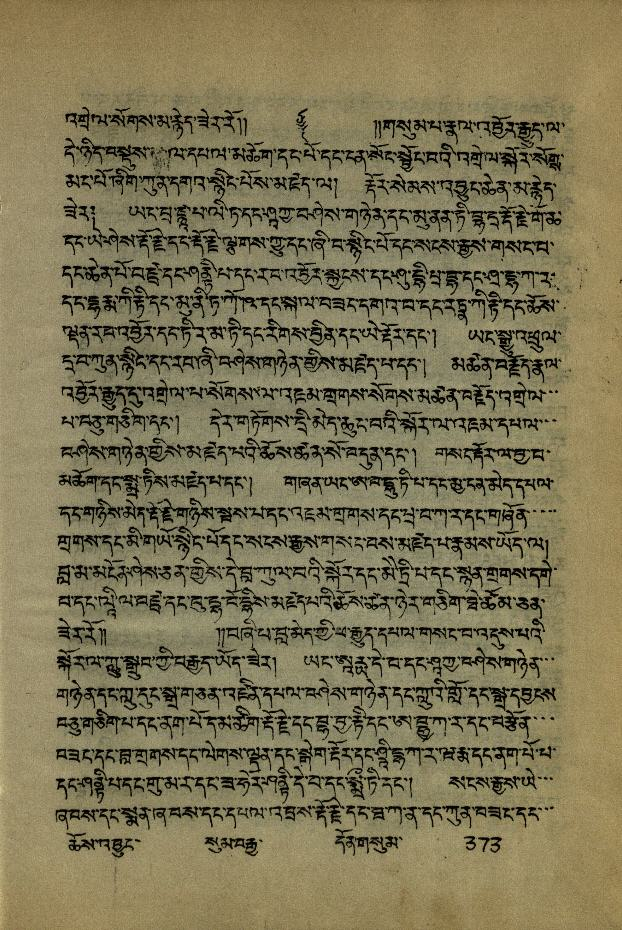འགྲེལ་ལ་སོགས་མ་རྙེད་ཟེར་རོ།། ༈ །།གསུམ་པ་རྣལ་འབྱོར་རྒྱུད་ལ་
དེ་ཉིད་བསྡུས་ལ་དཔལ་མཆོག་དང་པོ་དང་ངན་སོང་སྦྱོང་པའི་འགྲེལ་སྐོར་སོགས་
མང་པོ་ཞིག་ཀུན་དགའ་སྙིང་པོས་མཛད་ལ། རྡོར་སེམས་འབྱུང་ཆེན་མ་རྙེད་
ཟེར༑ ཡང་པྲ་ཛྣུཡཱ་པ་ལི་ཏ་དང་ཤཱཀྱ་བཤེས་གཉེན་དང་མུ་ནན་ཏི་བྷ་དྲ་རྡོ་རྗེ་གོ་ཆ་
དང་ཡེ་ཤེས་རྡོ་རྗེ་དང་རྡོ་རྗེ་ལྕགས་ཀྱུ་དང་ཞི་བ་སྙིང་པོ་དང་སངས་རྒྱས་གསང་བ་
དང་ཆེན་པོ་བཛྲ་དང་ཤནྟི་པ་དང་རབ་འབྱོར་སྐྱངས་དང་ཤུ་དྷི་པྲ་བྷ་དང་ཤྲ་དྷ་ཀ་ར་
དང་དྷརྨ་ཀི་རྟི་དང་མུ་ནི་ཏ་ཀོ་ཥ་དང་སྐལ་བཟང་དགའ་བ་དང་རཏྣ་ཀིརྟི་དང་ཆོས་
ལྡན་རབ་འབྱོར་དང་ཏི་ར་མ་ཏི་དང་རིགས་བྱིན་དང་ཡེ་རྡོར་དང་། ཡང་སྒྱུ་འཕྲུལ་
དྲ་བ་ཀུན་སྙིང་དང་རབ་ཞི་བཤེས་གཉེན་གྱིས་མཛད་པ་དང་། མཚན་བརྗོད་རྣལ་
འབྱོར་རྒྱུད་དུ་འགྲེལ་པ་སོགས་ལ་འཇམ་གྲགས་སོགས་མཚན་བརྗོད་འགྲེལ་
པ་བཅུ་གཅིག་དང་། དེར་གཏོགས་དྲི་མེད་ཆུང་བའི་སྐོར་ལ་འཇམ་དཔལ་
བཤེས་གཉེན་གྱིས་མཛད་པའི་ཆོས་ཚན་སོ་བདུན་དང་། གསང་རྡོར་ལ་བྱ་བ་
མཆོག་དང་སྨྲ་ཏིས་མཛད་པ་དང་། གཞན་ཡང་ཨ་བ་དྷུ་ཏི་པ་དང་མྱ་ངན་མེད་དཔལ་
དང་གཉིས་མེད་རྡོ་རྗེ་གཉིས་སྦས་པ་དང་འཇམ་གྲགས་དང་པྲ་བ་ཀ་ར་དང་གཞོན་
གྲགས་དང་མི་གཡོ་སྙིང་པོ་དང་སངས་རྒྱས་གསང་བས་མཛད་པ་རྣམས་ཡོད་ལ།
བླ་མ་མངོན་ཤེས་ཅན་གྱིས་དེ་བླ་ཀུ་ལ་བའི་སྐོར་དང་མཻ་ཏྲི་པ་དང་སྙན་གྲགས་དགེ་
བ་དང་ལའི་ལ་བཛྲ་དང་བུ་དྷ་བོ་དྷིས་མཛད་པའི་ཆོས་ཚན་ཉེར་གཅིག་ཐེ་ཚོམ་ཅན་
ཟེར་རོ།། །།བཞི་པ་བླ་མེད་ཀྱི་ཕ་རྒྱུད་དཔལ་གསང་བ་འདུས་པའི་
སྐོར་ཀླུ་སྒྲུབ་ཀྱི་བརྒྱད་ཡོད་ཟེར། ཡང་ཨཱརྱ་དེ་བ་དང་ཤཱ་ཀྱ་བཤེས་གཉེན་
གཉེན་དང་ཀླུ་དུང་སྒྲ་གཅན་འཛིན་དཔལ་བཤེས་གཉེན་དང་ཀླུའི་གློ་དང་སྒྲ་དབྱངས་
བཅུ་གཅིག་པ་དང་ནག་པོ་དམ་ཚིག་རྡོ་རྗེ་དང་བྷ་བྱ་རྟི་དང་ཨ་བྷྱ་ཀ་ར་དང་བརྩོན་
བཟང་དང་བླ་གྲགས་དང་ལེགས་ལྡན་དང་སྒྲེག་རྡོར་དང་ཤྲཱི་དྷ་ཀ་ར་ཝ་རྨ་དང་ནག་པོ་པ་
དང་ཤནྟི་པ་དང་ཀུ་མ་ར་དང་ཟ་ཧོར་ཤནྟི་དེ་བ་དང་སྨྲྀ་ཏི་དང་། སངས་རྒྱས་ཡེ་
ཞབས་དང་སྨན་ཞབས་དང་དཔལ་འབྲས་རྡོ་རྗེ་དང་ཐ་ཀ་ན་དང་ཀུན་བཟང་དང་